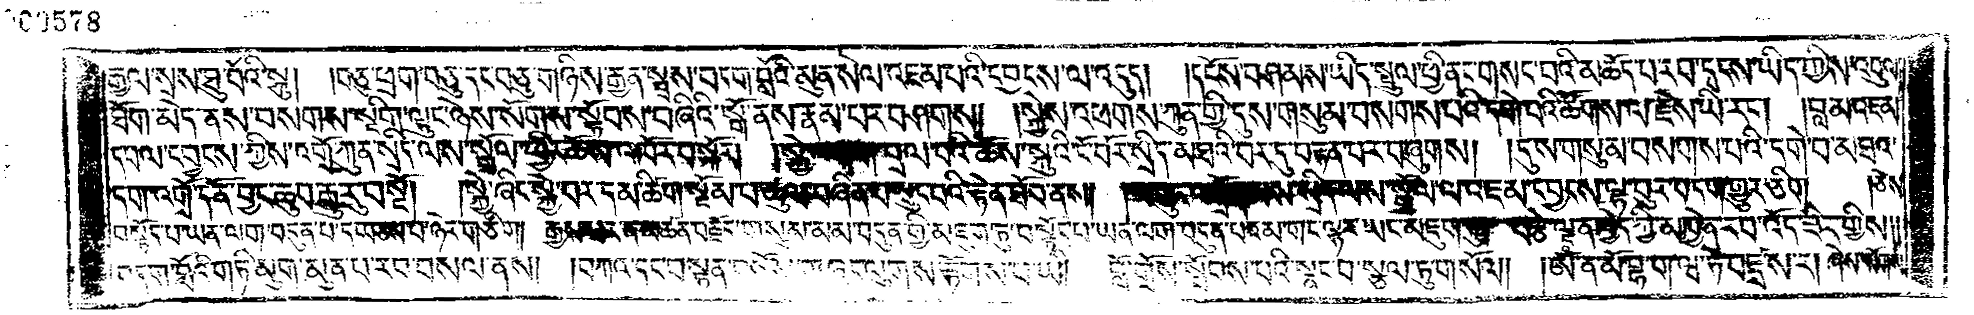རྒྱལ་སྲས་ཐུ་བོའི་སྐུ། །བཅུ་ཕྲག་བཅུ་དང་བཅུ་གཉིས་རྒྱན་སྤྲས་བདག་བློའི་མུན་སེལ་འཇམ་པའི་དབྱངས་ལ་འདུད། །དངོས་བཤམས་ཡིད་སྤྲུལ་ཕྱི་ནང་གསང་བའི་མཆོད་པ་རབ་དྭངས་ཡིད་ཀྱིས་འབུལ།
ཐོག་མེད་ནས་བསགས་སྡིག་ལྟུང་ཉེས་སོགས་སྟོབས་བཞིའི་སྒོ་ནས་རྣམ་པར་བཤགས། །སྐྱེས་འཕགས་ཀུན་གྱི་དུས་གསུམ་བསགས་པའི་དགེ་བའི་ཚོགས་ལ་རྗེས་ཡི་རང་། །བླ་མ་འཇམ་
དཔལ་དབྱངས་ཀྱིས་འགྲོ་ཀུན་སྲིད་ལས་སྒྲོལ་ཕྱིར་ཆོས་འཁོར་བསྐོར། །སྐྱེ་འགག་བྲལ་བའི་ཆོས་སྐུའི་ངོ་བོར་སྲིད་མཐའི་བར་དུ་བརྟན་པར་བཞུགས། །དུས་གསུམ་བསགས་པའི་དགེ་བ་མཐའ་
དག་འགྲོ་དོན་བྱང་ཆུབ་རྒྱུ་རུ་བསྔོ། །སྐྱེ་ཞིང་སྐྱེ་བར་དམ་ཚིག་སྡོམ་པ་ཚུལ་བཞིན་བསྲུང་བའི་རྟེན་ཐོབ་ནས། །མ་གྱུར་འགྲོ་རྣམས་སྲིད་ལས་སྒྲོལ་ལ་འཇམ་དབྱངས་ལྟ་བུར་བདག་གྱུར་ཅིག །ཅེས་
བསྟོད་པ་ཡན་ལག་བདུན་པ་དང་བཅས་པ་ཉེར་གཅིག །རྒྱས་པར་ན་མཚན་བརྗོད་གསུམ་མམ་བདུན་གྱི་མཇུག་ཏུ་བསྟོད་པ་ཡན་ལག་བདུན་པའམ་གང་ལྟར་ཡང་མཇུག་ཏུ། བརྩེ་ལྡན་ཁྱེད་ཀྱི་མཁྱེན་རབ་འོད་ཟེར་གྱིས། །
བདག་བློའི་གཏི་མུག་མུན་པ་རབ་བསལ་ནས། །བཀའ་དང་བསྟན་བཅོས་གཞུང་ལུགས་རྟོགས་པ་ཡི། བློ་གྲོས་སྤོབས་པའི་སྣང་བ་སྩལ་ཏུ་གསོལ། །ཨོཾ་ན་མོ་བྷ་ག་ཝ་ཏེ་བཛྲ་ས་ར། ཞེས་སོགས་